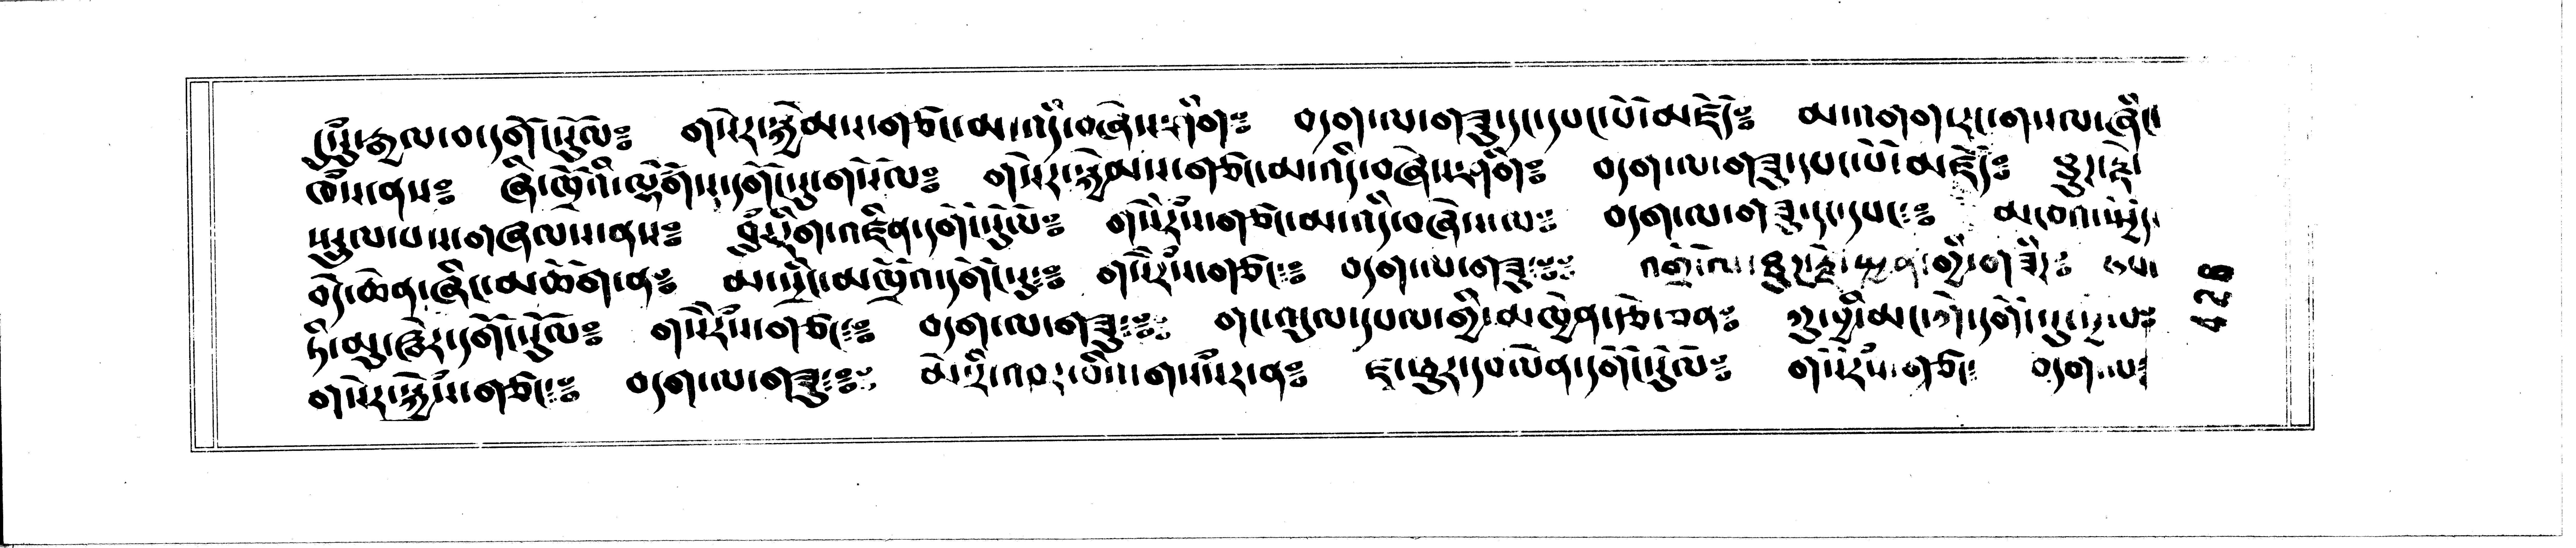དུས་གསུམ་རྒྱལ་བ་དགོངས་སུ་གསོལ༔གསེར་སྐྱེམས་གཙང་མ་འདི་བཞེས་ཤིག༔བདག་ལ་གཟུ་དང་དཔང་པོ་མཛོད༔མ་འགག་རང་གསལ་ཞིང་
ཁམས་ནས༔ཞི་ཁྲོའི་ལྷ་ཚོགས་དགོངས་སུ་གསོལ༔གསེར་སྐྱེམས་གཙང་མ་འདི་བཞེས་ཤིག༔བདག་ལ་གཟུ་དང་དཔང་པོ་མཛོད༔ཐུགས་རྗེ་
སྤྲུལ་པས་གཞལ་ཡས་ནས༔བླ་མ་རིག་འཛིན་དགོངས་སུ་གསོལ༔གསེར་སྐྱེམས་གཙང་མ་འདི་བཞེས་ཤིག༔བདག་ལ་གཟུ་དང་དཔང་པོ་མཛོད༔མཁའ་སྤྱོད་
བདེ་ཆེན་ཞིང་མཆོག་ན༔མ་སྲིང་མཁའ་འགྲོ་དགོངས་སུ་གསོལ༔གསེར་སྐྱེམས་གཙང་མ་འདི་བཞེས་ཤིག༔བདག་ལ་གཟུ་དང་དཔང་པོ་མཛོད༔འགྲོ་ལ་ཐུགས་རྗེ་སྤྱན་གྱི་གཟིགས༔ ཨ་
ཏི་མུ་ཝེར་དགོངས་སུ་གསོལ༔གསེར་སྐྱེམས་གཙང་མ་འདི་བཞེས་ཤིག༔བདག་ལ་གཟུ་དང་དཔང་པོ་མཛོད༔གང་འདུལ་དཔལ་གྱི་མཁྱེན་རྩེ་ཅན༔ཀུ་བྱི་མང་ཀེ་དགོངས་སུ་གསོལ༔
གསེར་སྐྱེམས་གཙང་མ་འདི་བཞེས་ཤིག༔བདག་ལ་གཟུ་དང་དཔང་པོ་མཛོད༔མེ་རི་འབར་བའི་གསས་མཁར་ན༔ཛྭ་ཕུར་དབལ་ཆེན་དགོངས་སུ་གསོལ༔གསེར་སྐྱེམས་གཙང་མ་འདི་བཞེས་ཤིག༔བདག་ལ་གཟུ་དང་དཔང་པོ་མཛོད༔